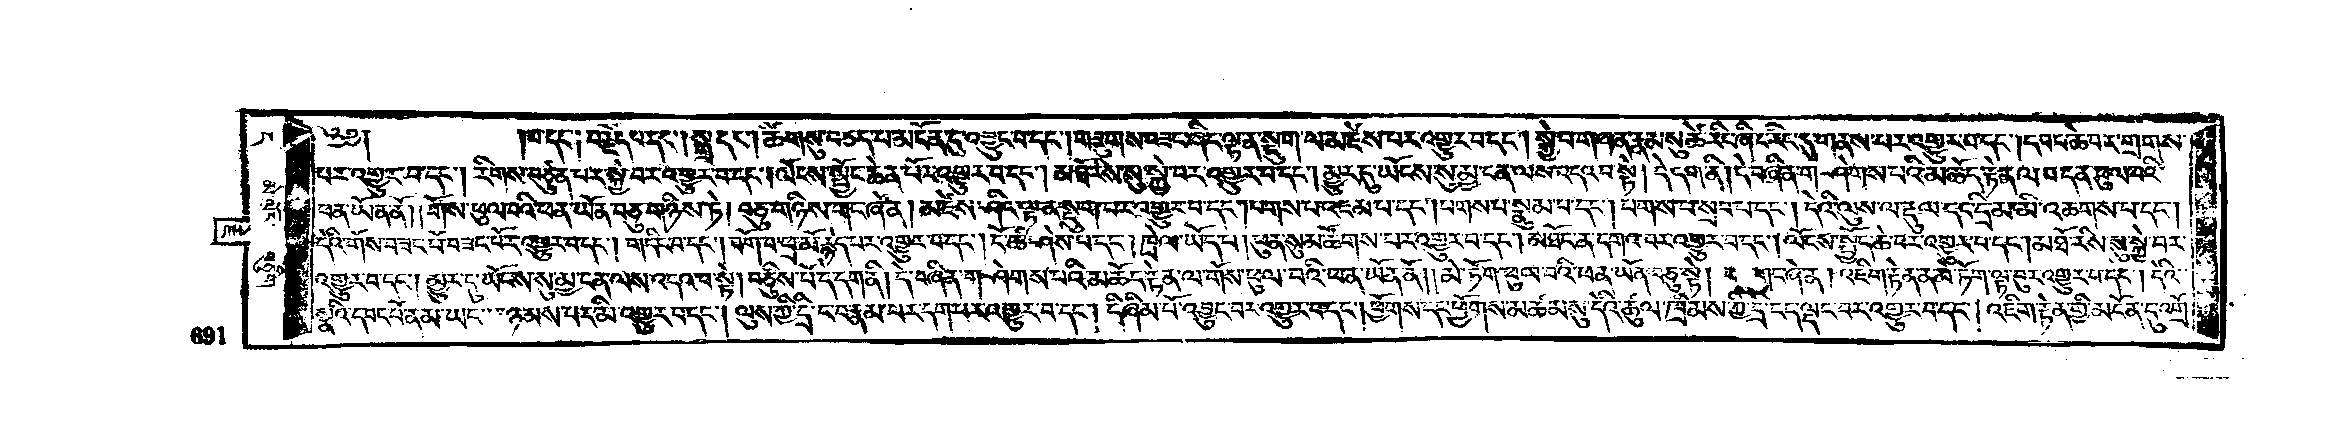།པ་དང་། བརྗོད་པ་དང་། སྒྲ་དང་། ཚིགས་སུ་བཅད་པ་མངོན་དུ་འབྱུང་བ་དང་། གཟུགས་བཟང་ཞིང་ལྟ་ན་སྡུག་ལ་མཛེས་པར་འགྱུར་བ་དང་། སྐྱེ་བ་གཞན་རྣམས་སུ་ཚེ་རིང་ཞིང་རིང་དུ་གནས་པར་འགྱུར་བ་དང་། དབང་ཆེ་བར་གྲགས་
པར་འགྱུར་བ་དང་། རིགས་བཙུན་པར་སྐྱེ་བར་འགྱུར་བ་དང་། ལོངས་སྤྱོད་ཆེན་པོར་འགྱུར་བ་དང་། མཐོ་རིས་སུ་སྐྱེ་བར་འགྱུར་བ་དང་། མྱུར་དུ་ཡོངས་སུ་མྱ་ངན་ལས་འདའ་བ་སྟེ། དེ་དག་ནི། དེ་བཞིན་གཤེགས་པའི་མཆོད་རྟེན་ལ་བདན་ཕུལ་བའི་
ཕན་ཡོན་ནོ། །གོས་ཕུལ་བའི་ཕན་ཡོན་བཅུ་གཉིས་ཏེ། བཅུ་གཉིས་གང་ཞེ་ན། མཛེས་ཤིང་ལྟ་ན་སྡུག་པར་འགྱུར་བ་དང་། པགས་པ་འཇམ་པ་དང་། པགས་པ་སྣུམ་པ་དང་། པགས་པ་སྲབ་པ་དང་། དེའི་ལུས་ལ་རྡུལ་དང་དྲི་མ་མི་འཆགས་པ་དང་།
དེའི་གོས་བཟང་པོ་བཟང་པོར་འགྱུར་བ་དང་། གདིང་བ་དང་། བགོ་བ་ཕྲ་མོ་རྙེད་པར་འགྱུར་བ་དང་། ངོ་ཚ་ཤེས་པ་དང་། ཁྲེལ་ཡོད་པ། ཕུན་སུམ་ཚོགས་པར་འགྱུར་བ་དང་། མཐོང་ན་དགའ་བར་འགྱུར་བ་དང་། ལོངས་སྤྱོད་ཆེ་བར་འགྱུར་པ་དང་། མཐོ་རིས་སུ་སྐྱེ་བར་
འགྱུར་བ་དང་། མྱུར་དུ་ཡོངས་སུ་མྱ་ངན་ལས་འདའ་བ་སྟེ། བཅུ་གཉིས་པོ་དེ་དག་ནི། དེ་བཞིན་གཤེགས་པའི་མཆོད་རྟེན་ལ་གོས་ཕུལ་བའི་ཕན་ཡོན་ནོ། །མེ་ཏོག་ཕུལ་བའི་ཕན་ཡོན་བཅུ་སྟེ། བཅུ་གང་ཞེ་ན། འཇིག་རྟེན་ན་མེ་ཏོག་ལྟ་བུར་འགྱུར་པ་དང་། དེའི་
སྣའི་དབང་པོ་ནམ་ཡང་ཉམས་པར་མི་འགྱུར་པ་དང་། ལུས་ཀྱི་དྲི་ང་བ་རྣམ་པར་དག་པར་འགྱུར་བ་དང་། དི་ཞིམ་པོ་འབྱུང་བར་འགྱུར་བ་དང་། ཕྱོགས་དང་ཕྱོགས་མཚམས་སུ་དེའི་ཚུལ་ཁྲིམས་ཀྱི་དྲི་ངད་ལྡང་བར་འགྱུར་བ་དང་། འཇིག་རྟེན་གྱི་མངོན་དུ་འགྲོ་